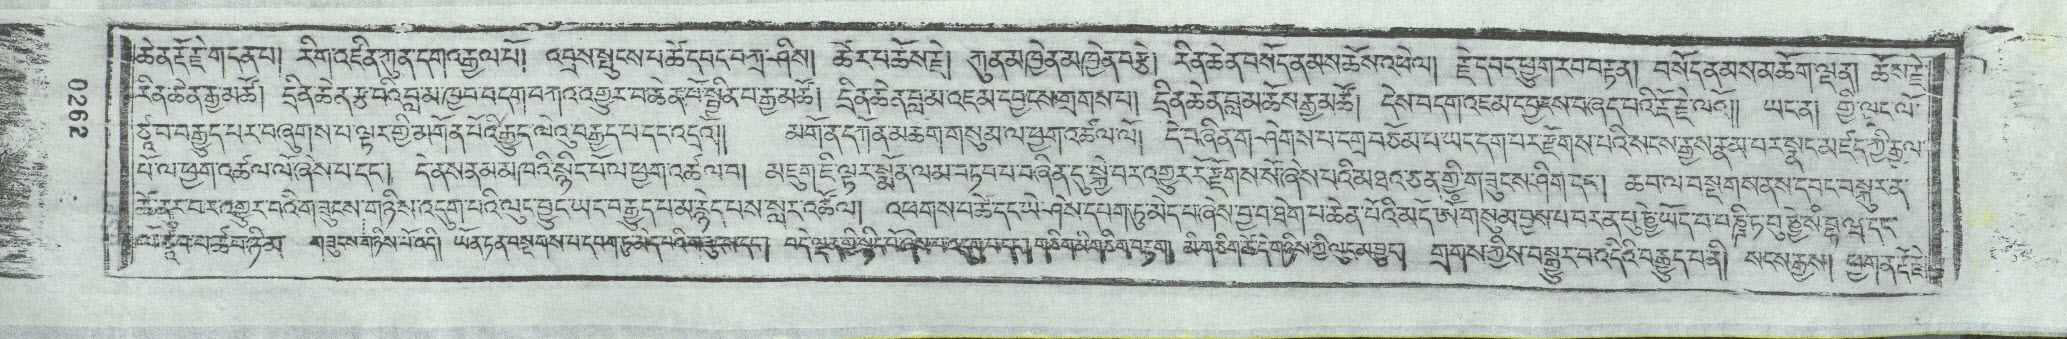ཆེན་རྡོ་རྗེ་གདན་པ། རིག་འཛིན་ཀུན་དགའ་རྒྱལ་པོ། འབྲས་སྤུངས་པ་ཚེ་དབང་བཀྲ་ཤིས། ཚར་བ་ཆོས་རྗེ། ཀུན་མཁྱེན་མཁྱེན་བརྩེ། རིན་ཆེན་བསོད་ནམས་ཆོས་འཕེལ། རྗེ་དབང་ཕྱུག་རབ་བརྟན། བསོད་ནམས་མཆོག་ལྡན། ཆོས་རྗེ་
རིན་ཆེན་རྒྱ་མཚོ། དྲིན་ཆེན་རྩ་བའི་བླ་མ་ཁྱབ་བདག་བཀའ་འགྱུར་བ་ཆེན་པོ་སྦྱིན་པ་རྒྱ་མཚོ། དྲིན་ཆེན་བླ་མ་འཇམ་དབྱངས་གྲགས་པ། དྲིན་ཆེན་བླ་མ་ཆོས་རྒྱ་མཚོ། དེས་བདག་འཇམ་དབྱངས་བཞད་པའི་རྡོ་རྗེ་ལའོ།། ཡང་ན། གྱི་ལང་ལོ་
ཙཱ་བ་བརྒྱུད་པར་གཞུགས་པ་ལྟར་གྱི་མགོན་པོའི་རྒྱུད་ལེའུ། བརྒྱད་པ་དང་འདྲའོ། །མགོ་དཀོན་མཆོག་གསུམ་ལ་ཕྱག་འཚལ་ལོ། དེ་བཞིན་གཤེགས་པ་དགྲ་བཅོམ་པ་ཡང་དག་པར་རྫོགས་པའི་སངས་རྒྱས་རྣམ་པར་སྣང་མཛད་ཀྱི་རྒྱལ་
པོ་ལ་ཕྱག་འཚལ་ལོ་ཞེས་པ་དང་། དེ་ནས་ནམ་མཁའི་སྙིང་པོ་ལ་ཕྱག་འཚལ་བ། མཇུག་ཇི་ལྟར་སྨོན་ལམ་བཏབ་པ་བཞིན་དུ་སྐྱེ་བར་འགྱུར་རོ་རྫོགས་སོ་ཞེས་པའི་མཐའ་ཅན་གྱི་གཟུངས་ཤིག་དང་། ཆབ་ལ་བསྔགས་ནས་དབང་བསྐུར་ན་
ཚེ་ནུར་བར་འགྱུར་བའི་གཟུངས་གཉིས་འདུག་པའི་ལུང་བྱུང་ཡང་བརྒྱུད་པ་མ་རྙེད་པས་སླར་འཚོལ། འཕགས་པ་ཚེ་དང་ཡེ་ཤེས་དཔག་ཏུ་མེད་པ་ཞེས་བྱ་བ་ཐེག་པ་ཆེན་པོའི་མདོ་ཨེ་གསུམ་བྱས་པ་བར་ན་པུཎྱེ་ཡོད་པ་པཎྜི་ཏ་པུཎྱེ་སཾ་བྷ་ཝ་དང་
ལོ་ཙཱ་བ་པ་ཚབ་ཉི་མ་གསུམ་གཉིས་པོ་འདི། ཡོན་ཏན་སྔགས་པ་དཔག་ཏུ་མེད་པའི་གཟུངས་དང་། བདེ་ལྡན་གྱི་སྙིང་པོ་ཞེས་པ་འདུག་པ་དང་། གཅིག་མི་གཅིག་བརྟག། མི་གཅིག་ཚེ་དེ་གཉིས་ཀྱི་ལུང་མ་བྱུང་། གྲགས་ཀྱིས་བསྒྱུར་བ་འདིའི་བརྒྱུད་པ་ནི། སངས་རྒྱས། ཕྱག་ན་རྡོ་རྗེ།